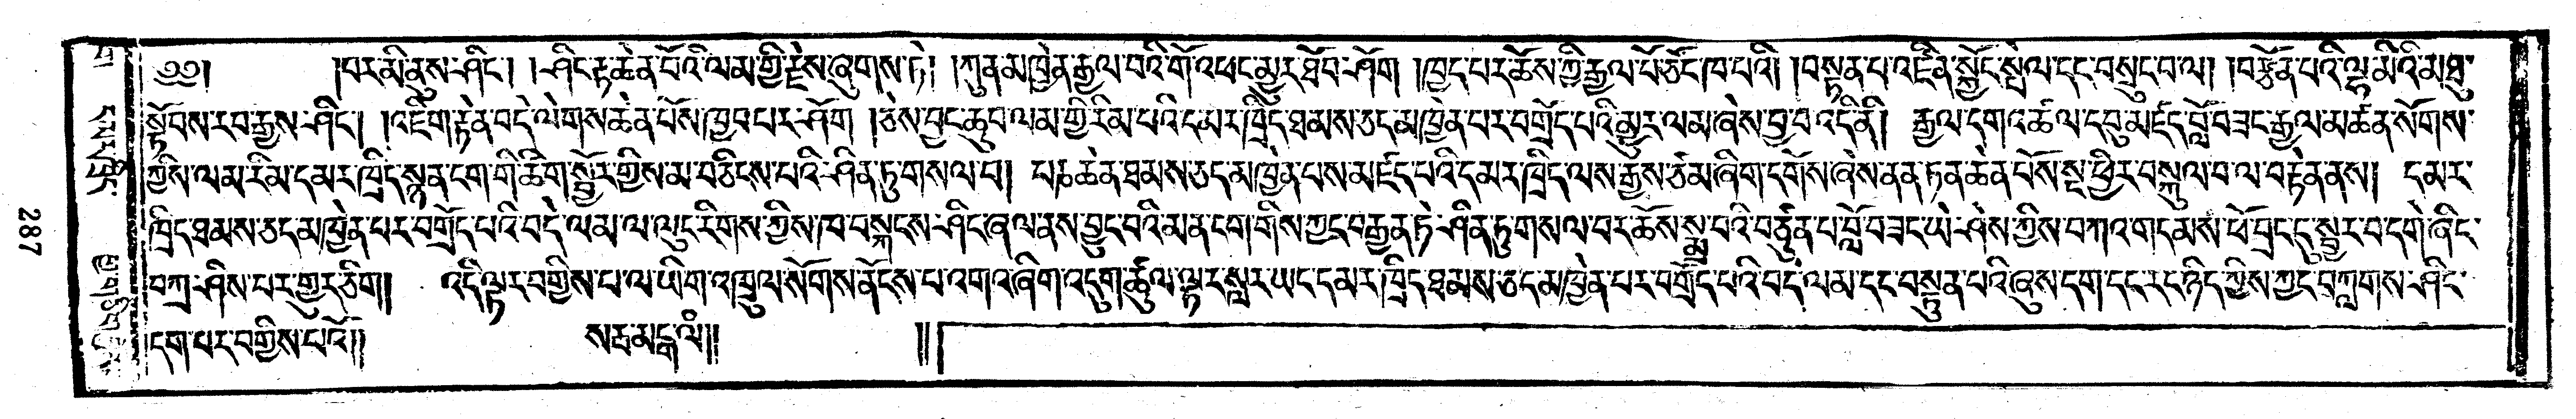༄༅། །བར་མི་ནུས་ཤིང་། །ཤིང་རྟ་ཆེན་པོའི་ལམ་གྱི་རྗེས་ཞུགས་ཏེ། །ཀུན་མཁྱེན་རྒྱལ་བའི་གོ་འཕང་མྱུར་ཐོབ་ཤོག །ཁྱད་པར་ཆོས་ཀྱི་རྒྱལ་པོ་ཙོང་ཁ་པའི། །བསྟན་པ་འཛིན་སྐྱོང་སྤེལ་དང་བསྲུང་བ་ལ། །བརྩོན་པའི་ལྷ་མིའི་མཐུ་
སྟོབས་རབ་རྒྱས་ཤིང་། །འཇིག་རྟེན་བདེ་ལེགས་ཆེན་པོས་ཁྱབ་པར་ཤོག །ཅེས་བྱང་ཆུབ་ལམ་གྱི་རིམ་པའི་དམར་ཁྲིད་ཐམས་ཅད་མཁྱེན་པར་བགྲོད་པའི་མྱུར་ལམ་ཞེས་བྱ་བ་འདི་ནི། རྒྱལ་དགའ་ཚལ་དབུ་མཛད་བློ་བཟང་རྒྱལ་མཚན་སོགས་
ཀྱིས་ལམ་རིམ་དམར་ཁྲིད་སྙན་ངག་གི་ཚིག་སྦྱོར་གྱིས་མ་བཅིངས་པའི་ཤིན་ཏུ་གསལ་བ། པཎ་ཆེན་ཐམས་ཅད་མཁྱེན་པས་མཛད་པའི་དམར་ཁྲིད་ལས་རྒྱས་ཙམ་ཞིག་དགོས་ཞེས་ནན་ཏན་ཆེན་པོས་སྔ་ཕྱིར་བསྐུལ་བ་ལ་བརྟེན་ནས། དམར་
ཁྲིད་ཐམས་ཅད་མཁྱེན་པར་བགྲོད་པའི་བདེ་ལམ་ལ་ལུང་རིགས་ཀྱིས་ཁ་བསྐངས་ཤིང་ཞལ་ནས་བྱུང་བའི་མན་ངག་གིས་ཀྱང་བརྒྱན་ཏེ་ཤིན་ཏུ་གསལ་བར་ཆོས་སྨྲ་བའི་བཙུན་པ་བློ་བཟང་ཡེ་ཤེས་ཀྱིས་བཀའ་གདམས་ཕོ་བྲང་དུ་སྦྱར་བ་དགེ་ཞིང་
བཀྲ་ཤིས་པར་གྱུར་ཅིག། འདི་ལྟར་བགྱིས་པ་ལ་ཡིག་འཁྲུལ་སོགས་ནོངས་པ་འགའ་ཞིག་འདུག་ཚུལ་ལྟར་སླར་ཡང་དམར་ཁྲིད་ཐམས་ཅད་མཁྱེན་པར་བགྲོད་པའི་བདེ་ལམ་དང་བསྟུན་པའི་ཞུས་དག་དང་རང་ཉིད་ཀྱིས་ཀྱང་བཀླགས་ཤིང་
དག་པར་བགྱིས་པའོ།། སརྦ་མངྒ་ལཾ།། །།